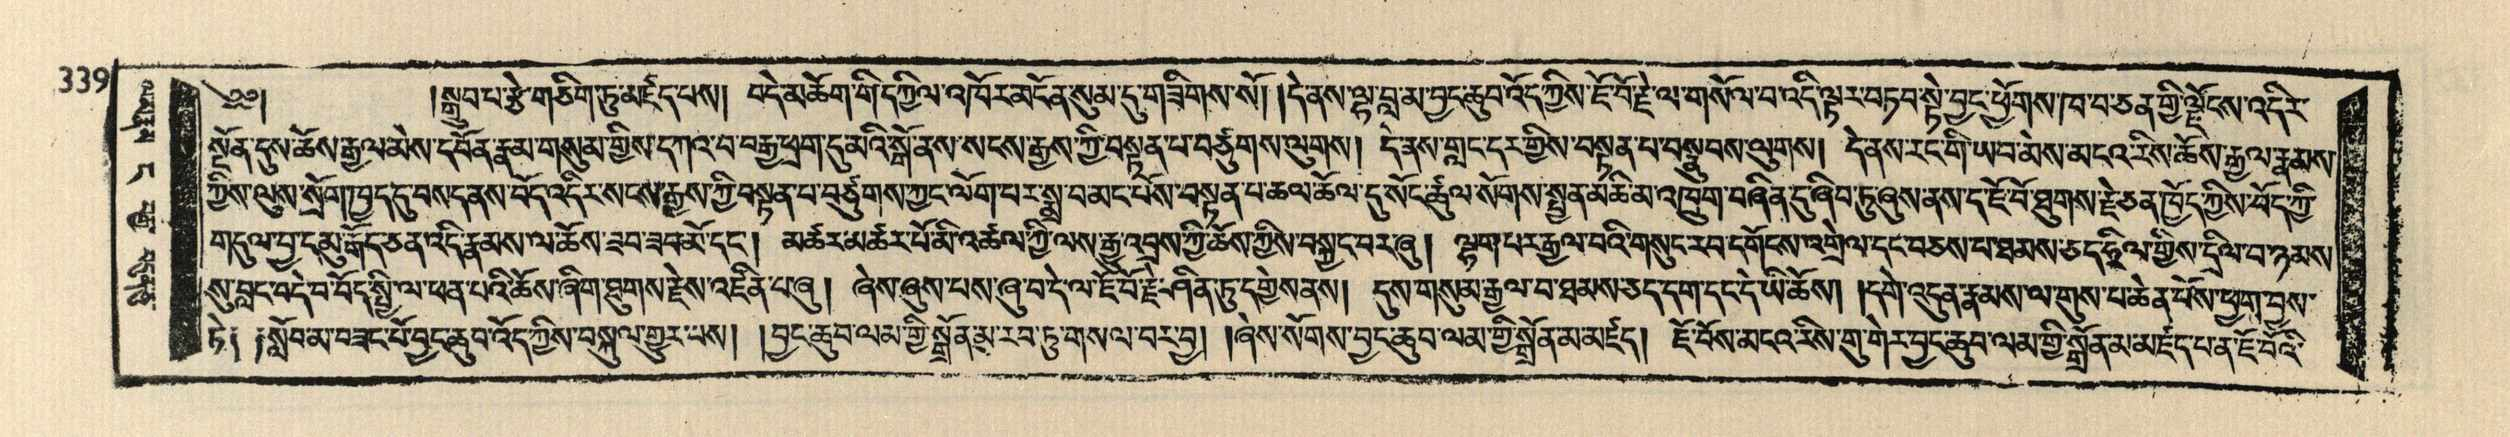༄༅། །སྒྲུབ་པ་རྩེ་གཅིག་ཏུ་མཛད་པས། བདེ་མཆོག་གི་དཀྱིལ་འཁོར་མངོན་སུམ་དུ་གཟིགས་སོ། །དེ་ནས་ལྷ་བླ་མ་བྱང་ཆུབ་འོད་ཀྱིས་ཇོ་བོ་རྗེ་ལ་གསོལ་བ་འདི་ལྟར་བཏབ་སྟེ་བྱང་ཕྱོགས་ཁ་བ་ཅན་གྱི་ལྗོངས་འདིར་
སྔོན་དུས་ཆོས་རྒྱལ་མེས་དབོན་རྣམ་གསུམ་གྱིས་དཀའ་བ་བརྒྱ་ཕྲག་དུ་མའི་སྒོ་ནས་སངས་རྒྱས་ཀྱི་བསྟན་པ་བཙུགས་ལུགས། དེ་ནས་གླང་དར་གྱིས་བསྟན་པ་བསྣུབས་ལུགས། དེ་ནས་རང་གི་ཡབ་མེས་མངའ་རིས་ཆོས་རྒྱལ་རྣམས་
ཀྱིས་ལུས་སྲོག་ཁྱད་དུ་བསད་ནས་བོད་འདིར་སངས་རྒྱས་ཀྱི་བསྟན་པ་བཙུགས་ཀྱང་ལོག་པར་སྨྲ་བ་མང་པོས་བསྟན་པ་ཆལ་ཆོལ་དུ་སོང་ཚུལ་སོགས་སྤྱན་མཆི་མ་འཁྲུག་བཞིན་དུ་ཞིབ་ཏུ་ཞུས་ནས་ད་ཇོ་བོ་ཐུགས་རྗེ་ཅན་ཁྱོད་ཀྱིས་བོད་ཀྱི་
གདུལ་བྱ་དམུ་རྒོད་ཅན་འདི་རྣམས་ལ་ཆོས་ཟབ་ཟབ་མོ་དང་། མཚར་མཚར་པོ་མི་འཚལ་ཀྱི་ལས་རྒྱུ་འབྲས་ཀྱི་ཆོས་ཀྱིས་བསྐྱང་བར་ཞུ། ལྷག་པར་རྒྱལ་བའི་གསུང་རབ་དགོངས་འགྲེལ་དང་བཅས་པ་ཐམས་ཅད་ཧྲིལ་གྱིས་དྲིལ་བ་ཉམས་
སུ་བླང་བདེ་བ་བོད་སྤྱི་ལ་ཕན་པའི་ཆོས་ཞིག་ཐུགས་རྗེས་འཛིན་པ་ཞུ། ཞེས་ཞུས་པས་ཞུ་བ་དེ་ལ་ཇོ་བོ་རྗེ་ཤིན་ཏུ་དགྱེས་ནས། དུས་གསུམ་རྒྱལ་བ་ཐམས་ཅད་དག་དང་དེ་ཡི་ཆོས། །དགེ་འདུན་རྣམས་ལ་གུས་པ་ཆེན་པོས་ཕྱག་བྱས་
ཏེ༑ ༑སློབ་མ་བཟང་པོ་བྱང་ཆུབ་འོད་ཀྱིས་བསྐུལ་གྱུར་པས། །བྱང་ཆུབ་ལམ་གྱི་སྒྲོན་མུ་རབ་ཏུ་གསལ་བར་བྱ། །ཞེས་སོགས་བྱང་ཆུབ་ལམ་གྱི་སྒྲོན་མ་མཛད། ཇོ་བོས་མངའ་རིས་གུ་གེར་བྱང་ཆུབ་ལམ་གྱི་སྒྲོན་མ་མཛད་པ་ན་ཇོ་བོའི་